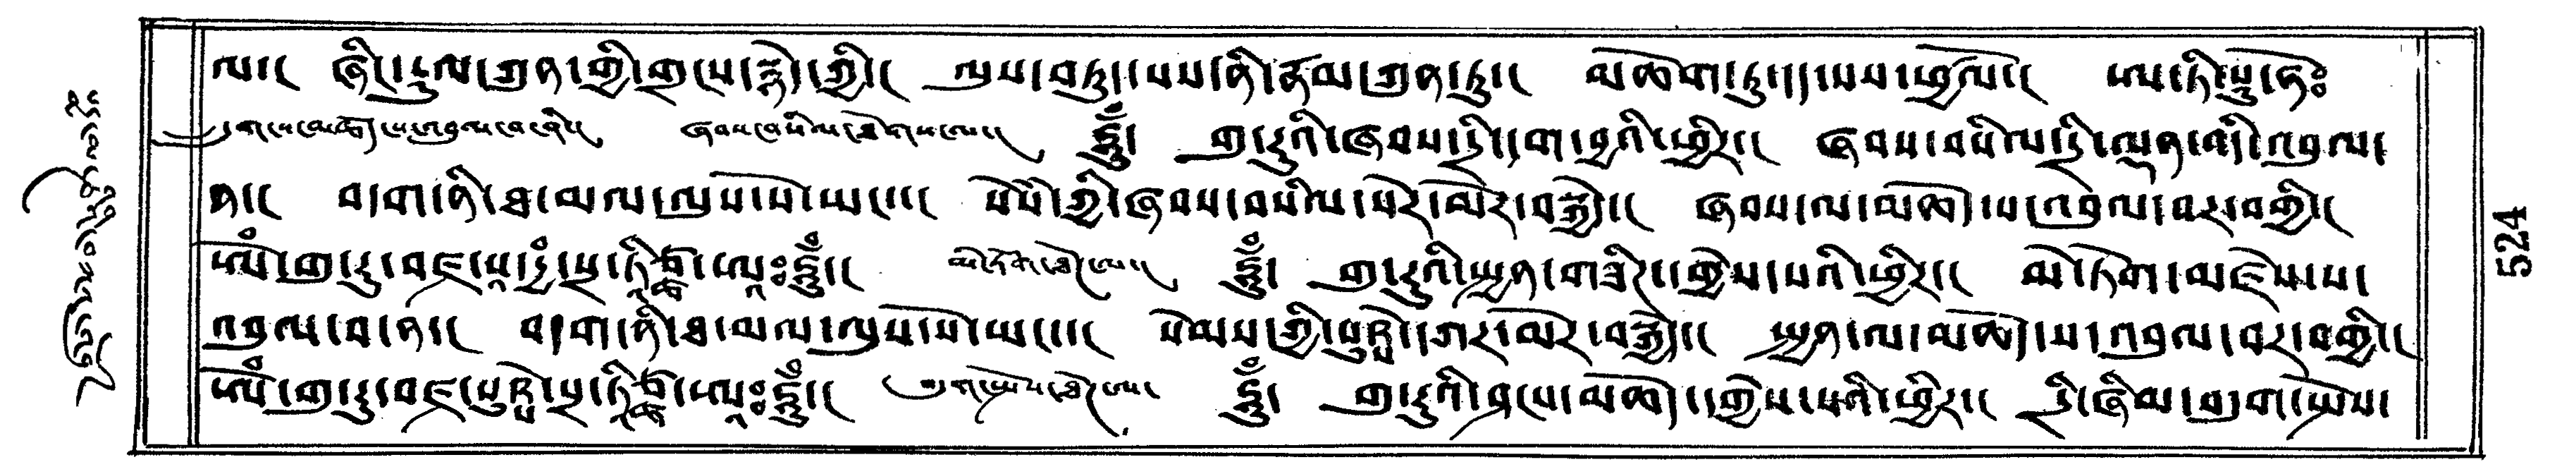ལ། །ཞིང་རྡུལ་ཀུན་གྱི་གྲངས་སྙེད་ཀྱི། །ལུས་བཏུད་པས་ནི་རྣམ་ཀུན་ཏུ། །མཆོག་ཏུ་དད་པས་ཕྱག་འཚལ་ལོ། ཨ་ཏི་པཱུ་ཧོཿ 
དྲུག་པ་མཆོད་པ་འབུལ་བ་ནི། ཞབས་བསིལ་ཐོགས་ལ། ཧཱུྃ། གུ་རུ་ཞབས་དྲི་དག་བྱའི་ཕྱིར། །ཞབས་བསིལ་དྲི་ལྡན་འདི་འབུལ་
ན། །བདག་ནི་ཐ་མལ་ལུས་པོ་ཡང་། །སེམས་ཀྱི་ཞབས་བསིལ་སེར་མོར་བསྐྱེད། །ཞབས་ལ་མཆོད་པ་འབུལ་བར་བགྱི། 
ཨོཾ་གུ་རུ་བཛྲ་པཱ་དྱཾ་པྲ་ཏིཙྪ་ཨཱཿཧཱུྃ། མེ་ཏོག་ཐོགས་ལ། ཧཱུྃ། གུ་རུའི་སྤྱན་གཟིགས་དགྱེས་པའི་ཕྱིར། །མེ་ཏོག་མཛེས་པ་
འབུལ་བ་ན། །བདག་ནི་ཐ་མལ་ལུས་པོ་ཡང་། །སེམས་ཀྱི་པུཥྤེ་དཀར་མོར་བསྐྱེད། །སྤྱན་ལ་མཆོད་པ་འབུལ་བར་བགྱི། 
ཨོཾ་གུ་རུ་བཛྲ་པུཥྤེ་པྲ་ཏཱིཙྪ་ཨཱཿཧཱུྃ། བདུག་སྤོས་ཐོགས་ལ། ཧཱུྃ། གུ་རུའི་ཤངས་མཆོད་དགྱེས་པའི་ཕྱིར། །དྲི་ཞིམ་བདུག་སྤོས་